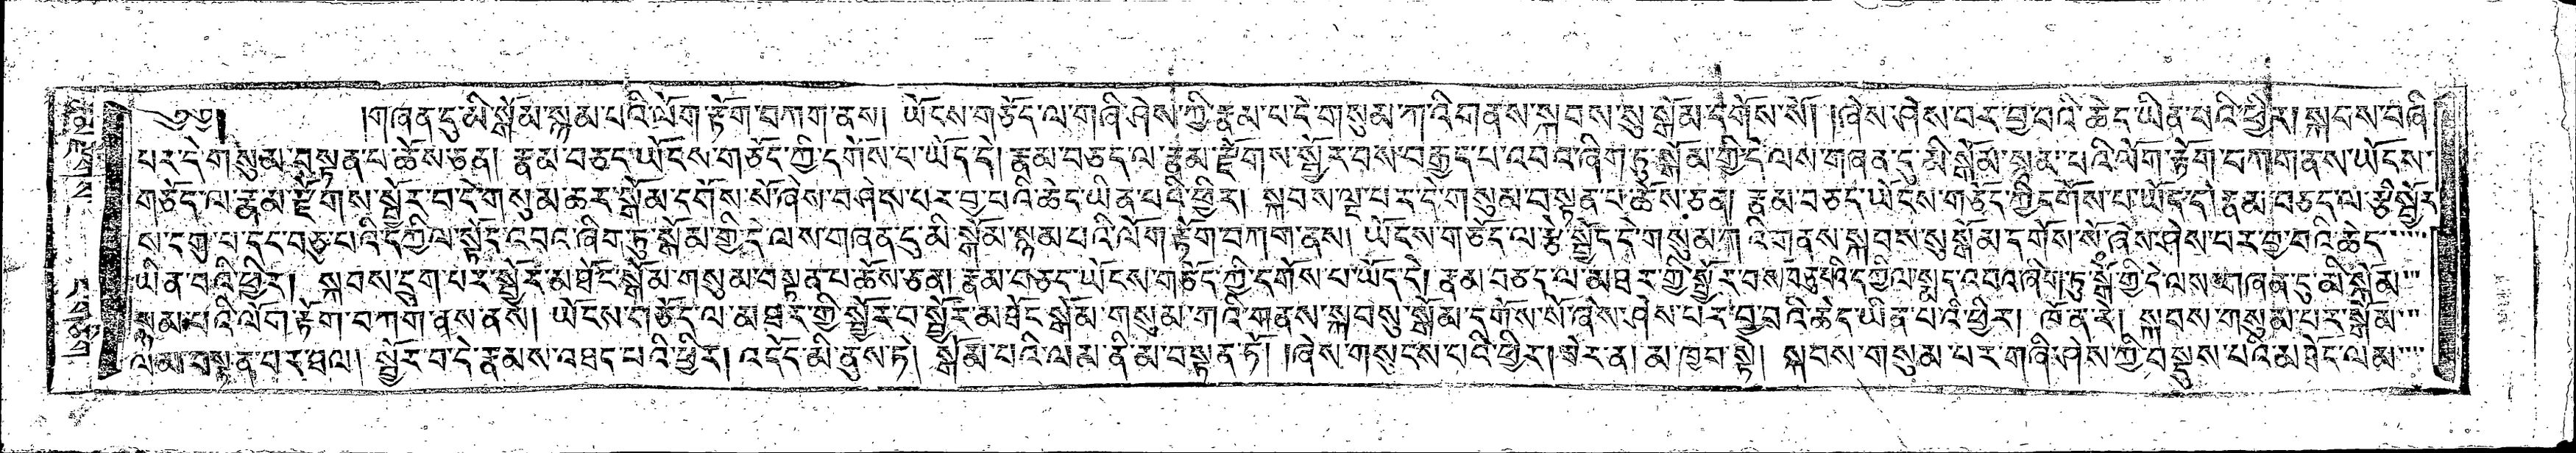༄༅། །གཞན་དུ་མི་སྒོམ་སྙམ་པའི་ལོག་རྟོག་བཀག་ནས། ཡོངས་གཅོད་ལ་གཞི་ཤེས་ཀྱི་རྣམ་པ་དེ་གསུམ་ཀའི་གནས་སྐབས་སུ་སྒོམ་དགོས་སོ། །ཞེས་ཤེས་པར་བྱ་བའི་ཆེད་ཡིན་པའི་ཕྱིར། སྐབས་བཞི་
པར་དེ་གསུམ་བསྟན་པ་ཆོས་ཅན། རྣམ་བཅད་ཡོངས་གཅོད་ཀྱི་དགོས་པ་ཡོད་དེ། རྣམ་བཅད་ལ་རྣམ་རྫོགས་སྦྱོར་བ་ས་བརྒྱད་པ་འབའ་ཞིག་ཏུ་སྒོམ་གྱི་དེ་ལས་གཞན་དུ་མི་སྒོམ་སྙམ་པའི་ལོག་རྟོག་བཀག་ནས་ཡོངས་
གཅོད་ལ་རྣམ་རྫོགས་སྦྱོར་བ་དེ་གསུམ་ཆར་སྒོམ་དགོས་སོ་ཞེས་ཤེས་པར་བྱ་བའི་ཆེད་ཡིན་པའི་ཕྱིར། སྐབས་ལྔ་པར་དེ་གསུམ་བསྟན་པ་ཆོས་ཅན། རྣམ་བཅད་ཡོངས་གཅོད་ཀྱི་དགོས་པ་ཡོད་དེ། རྣམ་བཅད་ལ་རྩེ་སྦྱོར་
ས་དགུ་པ་དང་བཅུ་པའི་དཀྱིལ་སྟོང་འབའ་ཞིག་ཏུ་སྒོམ་གྱི་དེ་ལས་གཞན་དུ་མི་སྒོམ་སྙམ་པའི་ལོག་རྟོག་བཀག་ནས། ཡོངས་གཅོད་ལ་རྩེ་སྤྱོད་དེ་གསུམ་ཀའི་གནས་སྐབས་སུ་སྒོམ་དགོས་སོ་ཞེས་ཤེས་པར་བྱ་བའི་ཆེད་
ཡིན་པའི་ཕྱིར། སྐབས་དྲུག་པར་སྦྱོར་མཐོང་སྒོམ་གསུམ་བསྟན་པ་ཆོས་ཅན། རྣམ་བཅད་ཡོངས་གཅོད་ཀྱི་དགོས་པ་ཡོད་དེ། རྣམ་བཅད་ལ་མཐར་གྱི་སྦྱོར་བས་བཅུ་པའི་དཀྱིལ་སྨད་འབའ་ཞིག་ཏུ་སྒོམ་གྱི་དེ་ལས་གཞན་དུ་མི་སྒོམ་
སྙམ་པའི་ལོག་རྟོག་བཀག་ནས། ཡོངས་གཅོད་ལ་མཐར་གྱི་སྦྱོར་བ་སྦྱོར་མཐོང་སྒོམ་གསུམ་ཀའི་གནས་སྐབས་སུ་སྒོམ་དགོས་སོ་ཞེས་ཤེས་པར་བྱ་བའི་ཆེད་ཡིན་པའི་ཕྱིར། ཁོ་ན་རེ། སྐབས་གསུམ་པར་སྒོམ་
ལམ་བསྟན་པར་ཐལ། སྦྱོར་བ་དེ་རྣམས་འཐད་པའི་ཕྱིར། འདོད་མི་ནུས་ཏེ། སྒོམ་པའི་ལམ་ནི་མ་བསྟན་ཏོ། །ཞེས་གསུངས་པའི་ཕྱིར། ཟེར་ན། མ་ཁྱབ་སྟེ། སྐབས་གསུམ་པར་གཞི་ཤེས་ཀྱི་བསྡུས་པའི་མཐོང་ལམ་